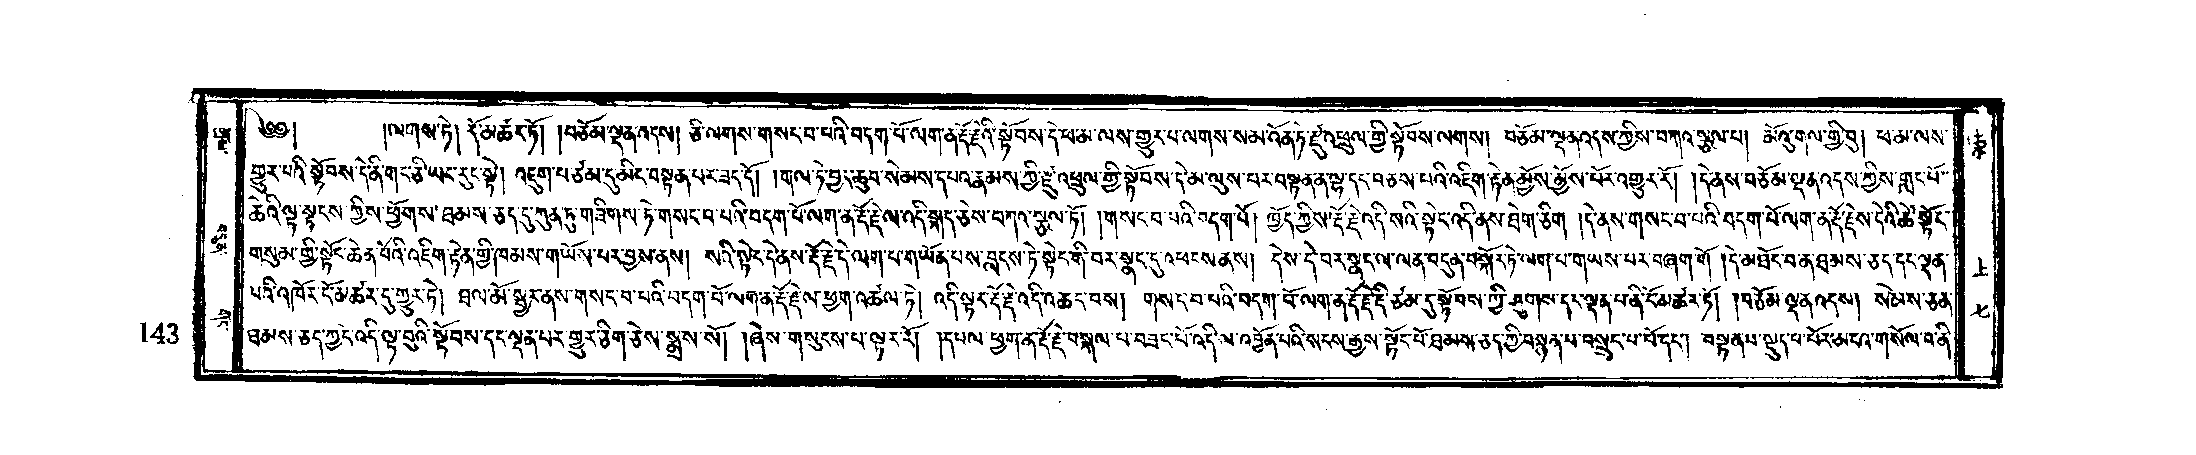༄༅། །ལགས་ཏེ། རོ་མཚར་ཏོ། །བཅོམ་ལྡན་འདས། ཅི་ལགས་གསང་བ་པའི་བདག་པོ་ལག་ན་རྡོ་རྗེའི་སྟོབས་དེ་ཕ་མ་ལས་གྱུར་པ་ལགས་སམ་འོན་ཏེ་རྫུ་འཕྲུལ་གྱི་སྟོབས་ལགས། བཅོམ་ལྡན་འདས་ཀྱིས་བཀའ་སྩལ་པ། མོའུ་གལ་གྱི་བུ། ཕ་མ་ལས་
གྱུར་པའི་སྟོབས་དེ་ནི་གང་ཅི་ཡང་རུང་སྟེ། འཇུག་པ་ཙམ་དུ་མིང་བསྟན་པར་ཟད་དོ། །གལ་ཏེ་བྱང་ཆུབ་སེམས་དཔའ་རྣམས་ཀྱི་རྫུ་འཕྲུལ་གྱི་སྟོབས་དེ་མ་ལུས་པར་བསྟན་ན་ལྷ་དང་བཅས་པའི་འཇིག་རྟེན་མྱོས་མྱོས་པོར་འགྱུར་རོ། །དེ་ནས་བཅོམ་ལྡན་འདས་ཀྱིས་གླང་པོ་
ཆེའི་ལྟ་སྟངས་ཀྱིས་ཕྱོགས་ཐམས་ཅད་དུ་ཀུན་ཏུ་གཟིགས་ཏེ་གསང་བ་པའི་བདག་པོ་ལག་ན་རྡོ་རྗེ་ལ་འདི་སྐད་ཅེས་བཀའ་སྩལ་ཏོ། །གསང་བ་པའི་བདག་པོ། ཁྱོད་ཀྱིས་རྡོ་རྗེ་འདི་སའི་སྟེང་འདི་ནས་ཐེག་ཅིག །དེ་ནས་གསང་བ་པའི་བདག་པོ་ལག་ན་རྡོ་རྗེས་དེའི་ཚེ་སྟོང་
གསུམ་གྱི་སྟོང་ཆེན་པོའི་འཇིག་རྟེན་གྱི་ཁམས་གཡོས་པར་བྱས་ནས། སའི་སྟེང་དེ་ནས་རྡོ་རྗེ་དེ་ལག་པ་གཡོན་པས་བླངས་ཏེ་སྟེང་གི་བར་སྣང་དུ་འཕངས་ནས། དེས་དེ་བར་སྣང་ལ་ལན་བདུན་བསྐོར་ཏེ་ལག་པ་གཡས་པར་བཞག་གོ །དེ་མཐོང་བ་ན་ཐམས་ཅད་དང་ལྡན་
པའི་འཁོར་ངོ་མཚར་དུ་གྱུར་ཏེ། ཐལ་མོ་སྦྱར་ནས་གསང་བ་པའི་བདག་པོ་ལག་ན་རྡོ་རྗེ་ལ་ཕྱག་འཚལ་ཏེ། འདི་ལྟར་རྡོ་རྗེ་འདི་འཆང་བས། གསང་བ་པའི་བདག་པོ་ལག་ན་རྡོ་རྗེ་ཇི་ཙམ་དུ་སྟོབས་ཀྱི་ཤུགས་དང་ལྡན་པ་ནི་ངོ་མཚར་ཏོ། །བཅོམ་ལྡན་འདས། སེམས་ཅན་
ཐམས་ཅད་ཀྱང་འདི་ལྟ་བུའི་སྟོབས་དང་ལྡན་པར་གྱུར་ཅིག་ཅེས་སྨྲས་སོ། །ཞེས་གསུངས་པ་ལྟར་རོ། །དཔལ་ཕྱག་ན་རྡོ་རྗེ་བསྐལ་པ་བཟང་པོ་འདི་ལ་འབྱོན་པའི་སངས་རྒྱས་སྟོང་པོ་ཐམས་ཅད་ཀྱི་བསྙན་པ་བསྲུང་པ་པོ་དང་། བསྟན་པ་སྡུད་པ་པོར་མངའ་གསོལ་བ་ནི་